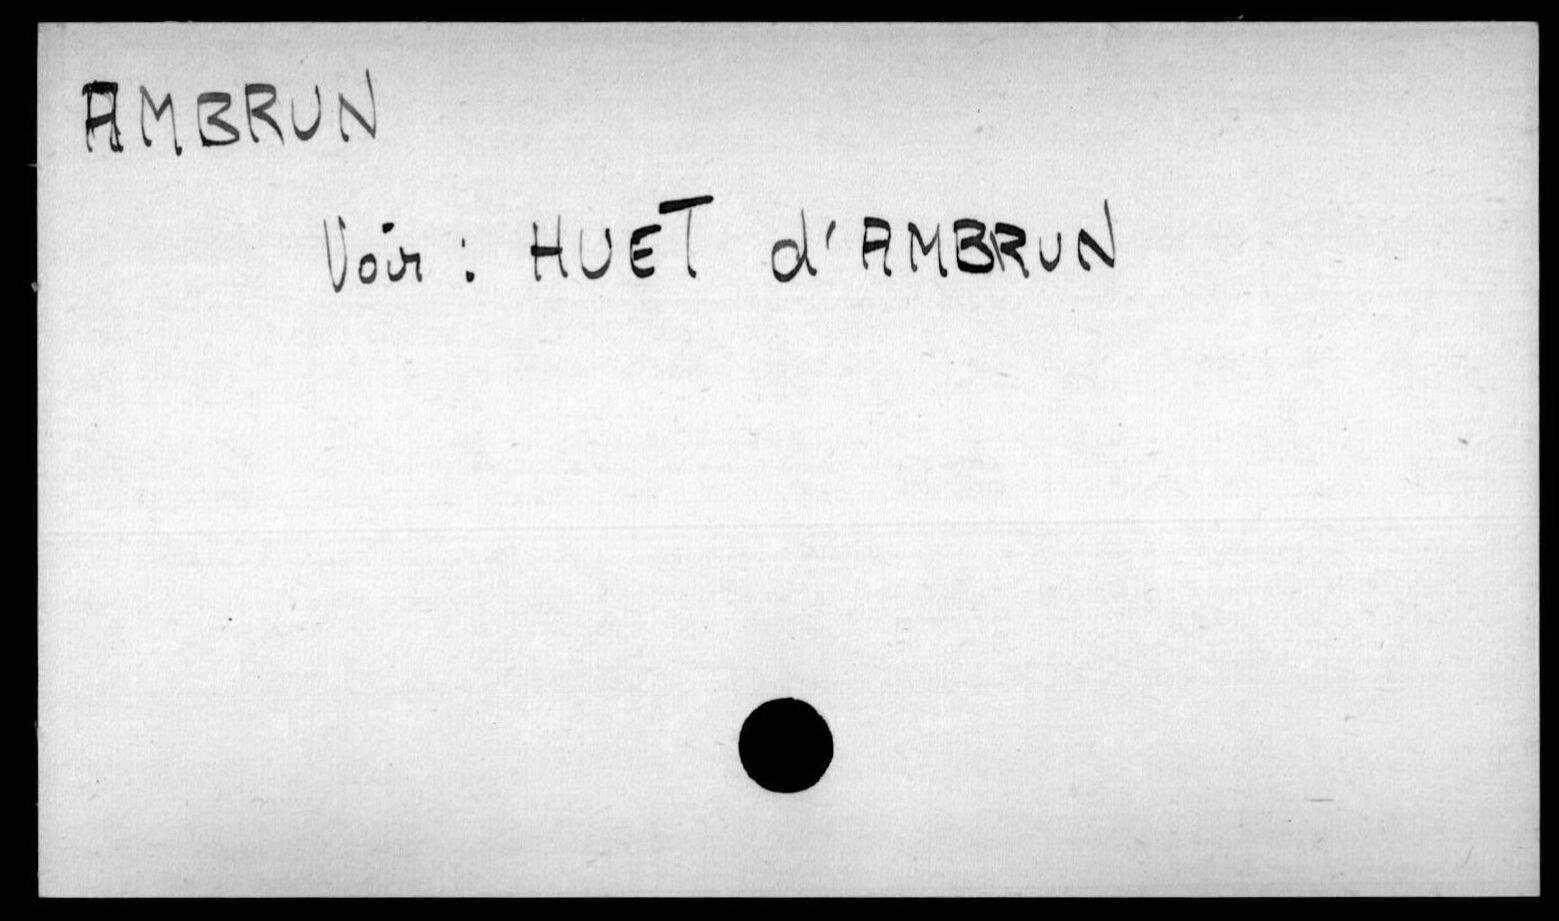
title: AMBRUN VOIR : HUET d'AMBRUN
